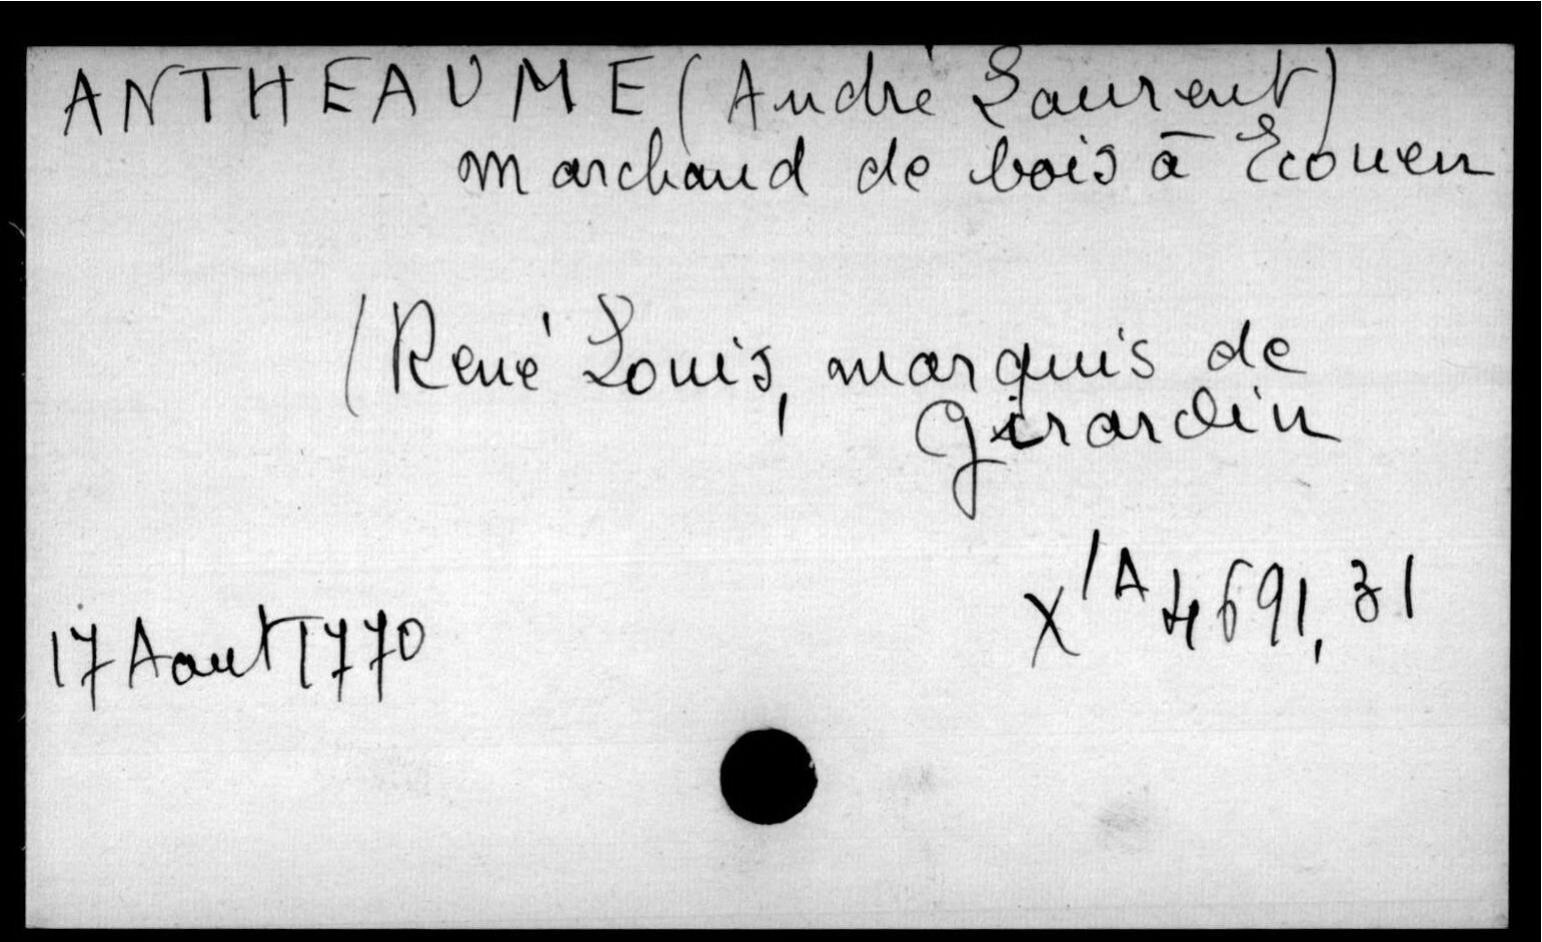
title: ANTHEAUME (Andre Laurent) marchand de bois à Écouen
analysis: Contre René Louis, marquis de Girardin
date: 17 août 1770
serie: X1A
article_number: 4691
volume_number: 31
